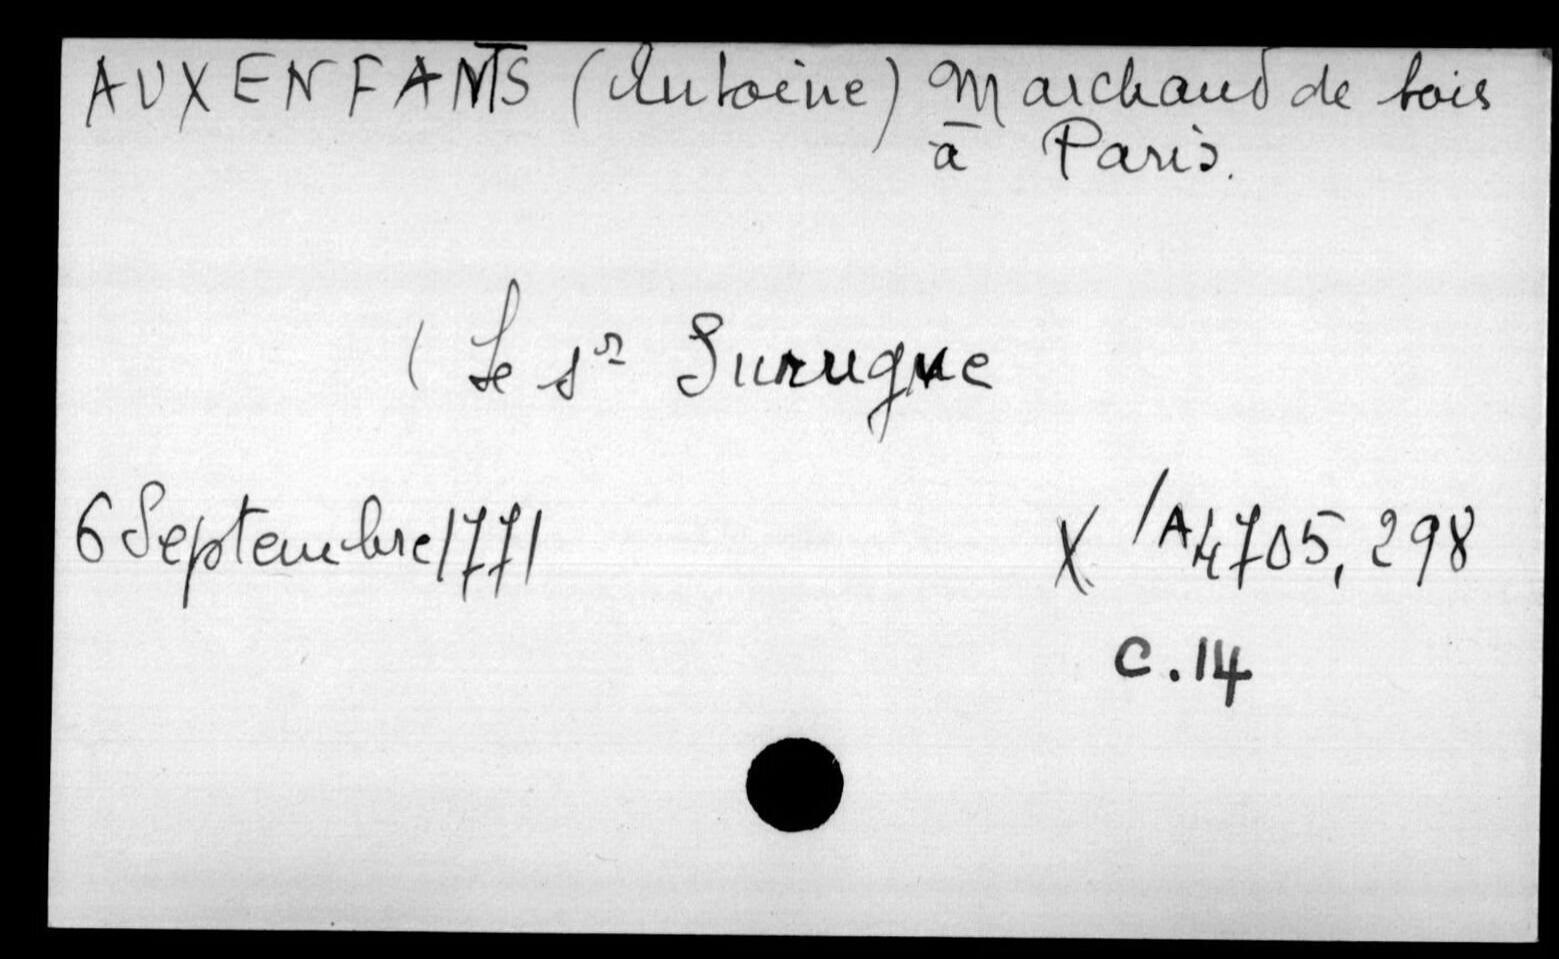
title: AUXENFANTS (Antoine) Marchand de bois à Paris
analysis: Contre le Sieur Surugue
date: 6 septembre 1771
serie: X1A
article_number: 4705
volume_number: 298 Conseil, 14
